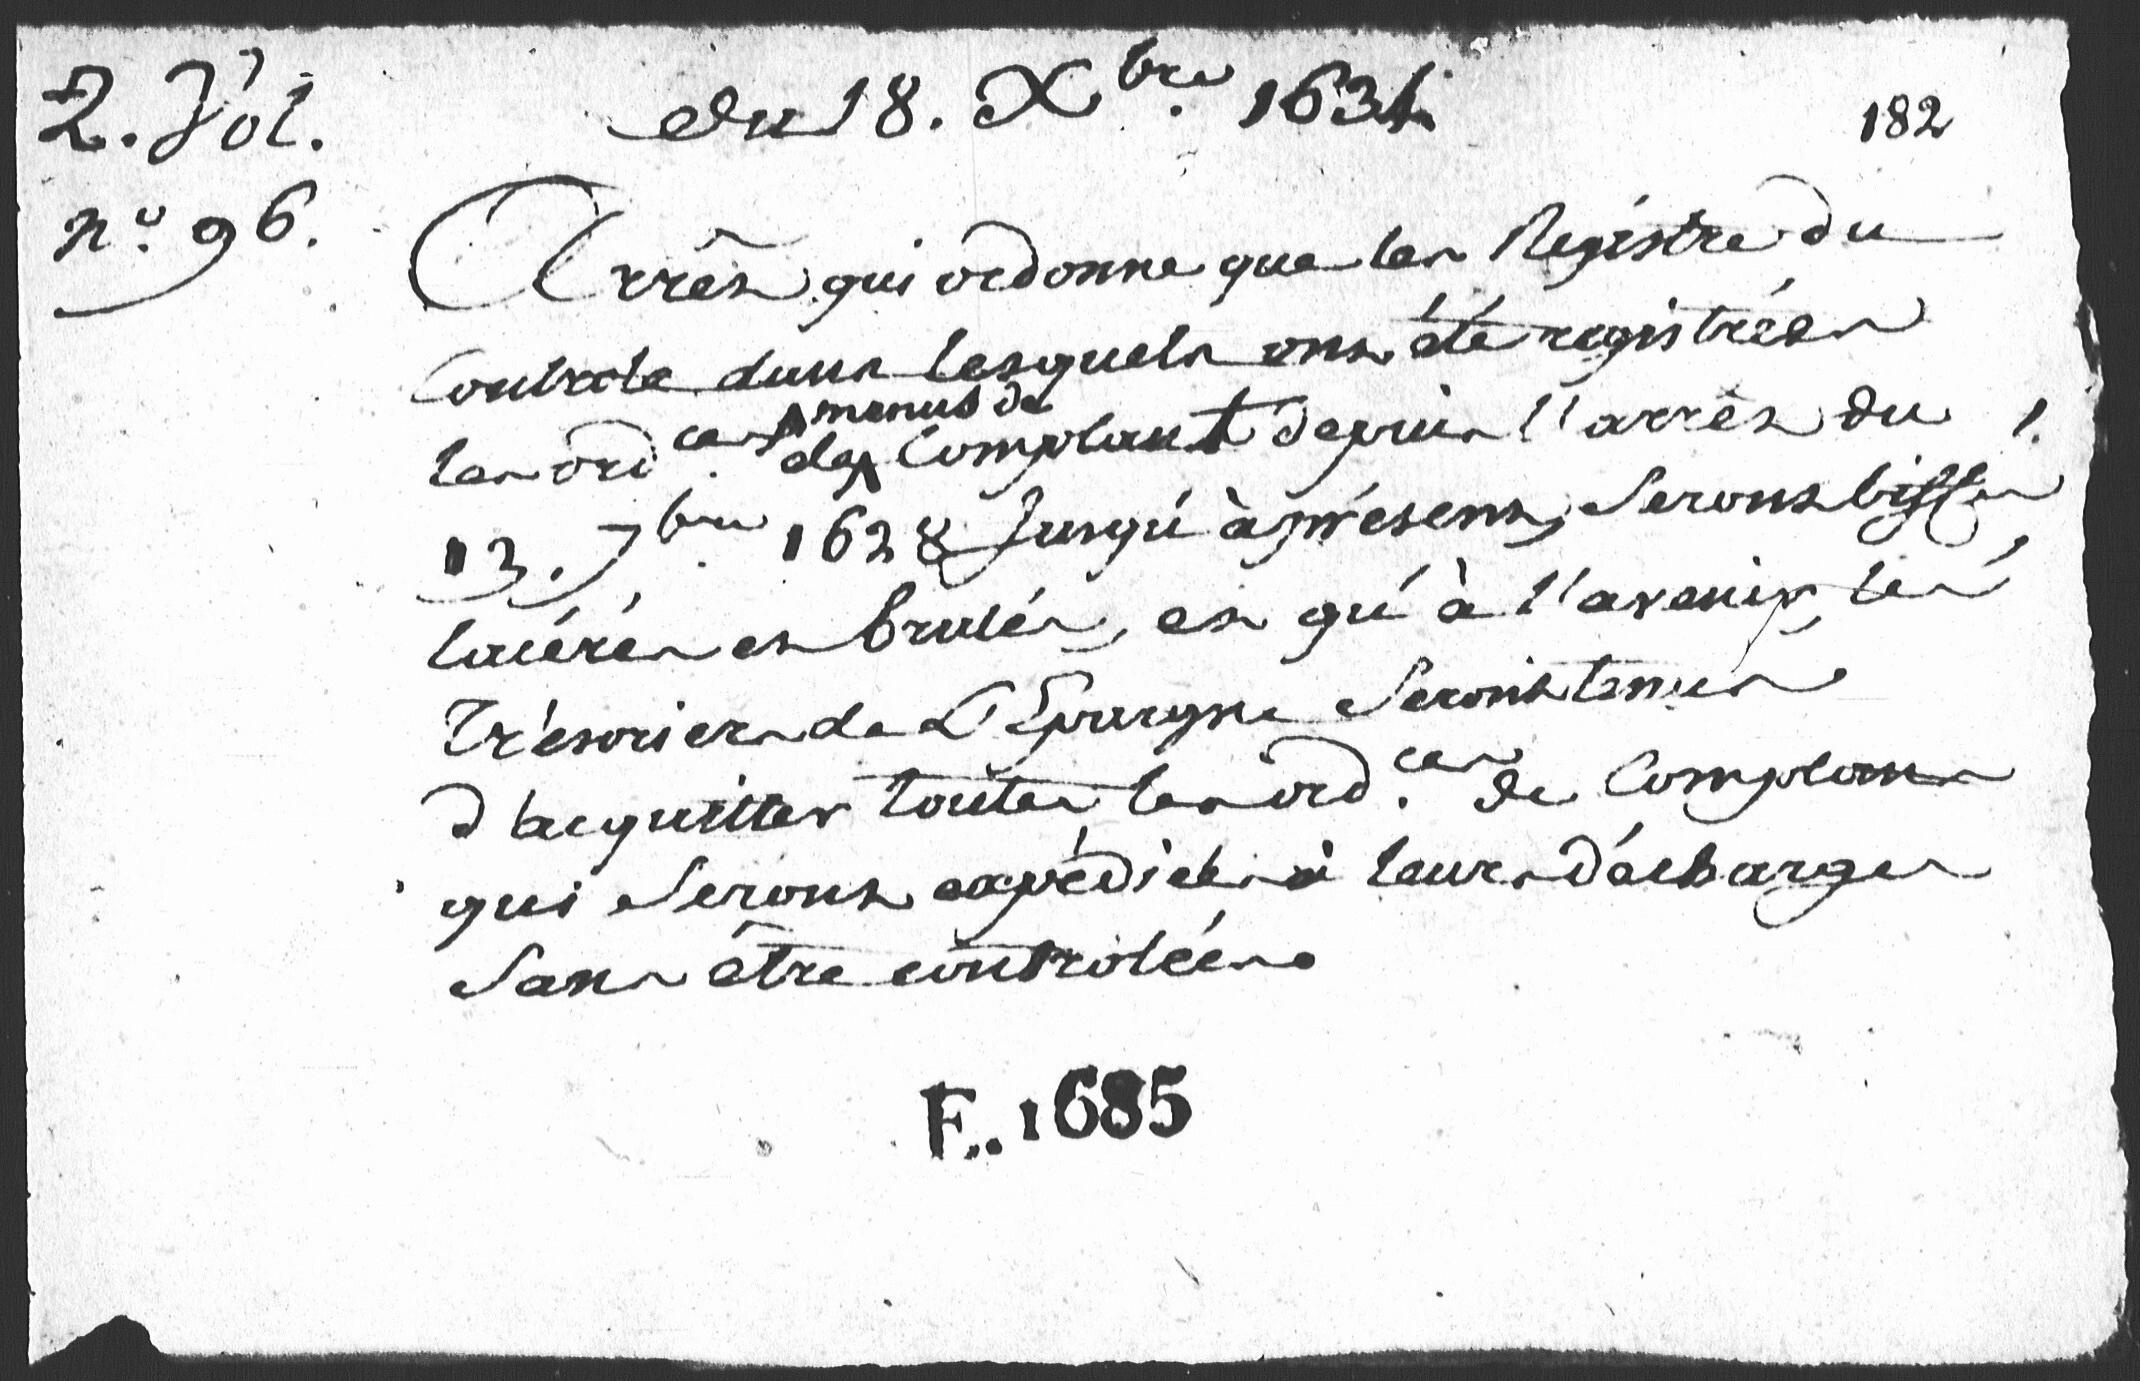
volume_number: n°96
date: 18 décembre 1634
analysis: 182
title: Arrêt qui ordonne que les Registres du Controle dans lesquels ont été registrées les ord.ces de menus de complant depuis l’arrêt du 13. septembre 1628 jusqu’à présent, seront biffés lacérés et brulés, et qu’à l’avenir, les Trésoriers de l’Epargne seront tenus d’acquitter toutes les ord.ces de complans qui seront expédiées à leurs décharges sans être controlées
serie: E
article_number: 1685
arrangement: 2. vol.
